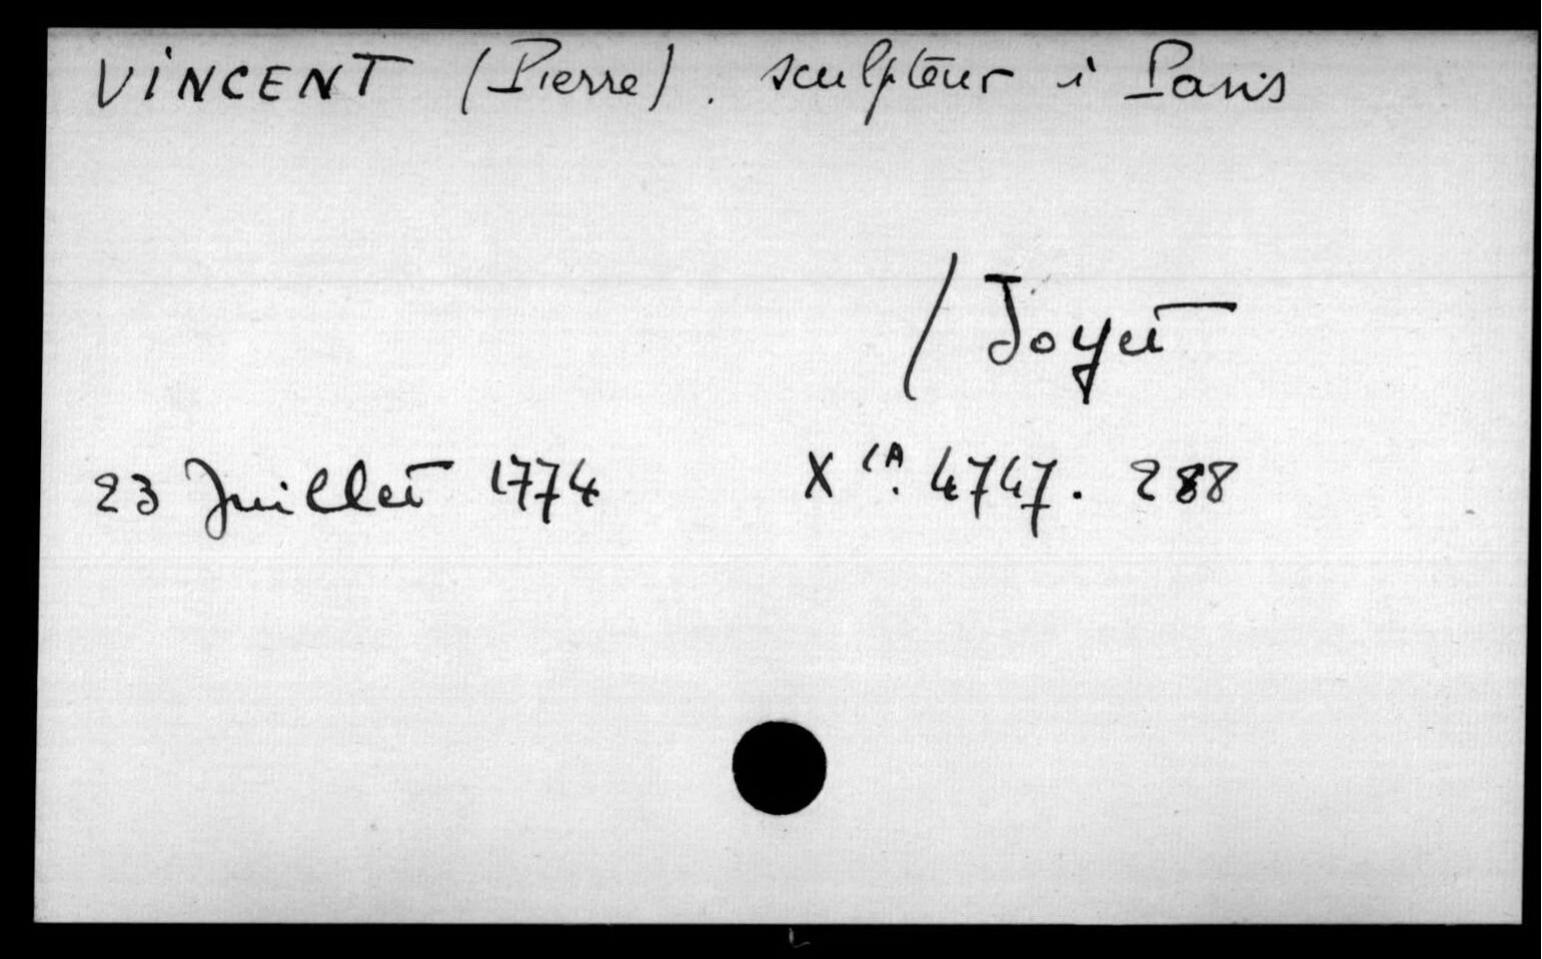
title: VINCENT (Pierre), sculpteur à Paris
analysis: Contre Joyet
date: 23 juillet 1774
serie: X1A
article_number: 4747
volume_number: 288
